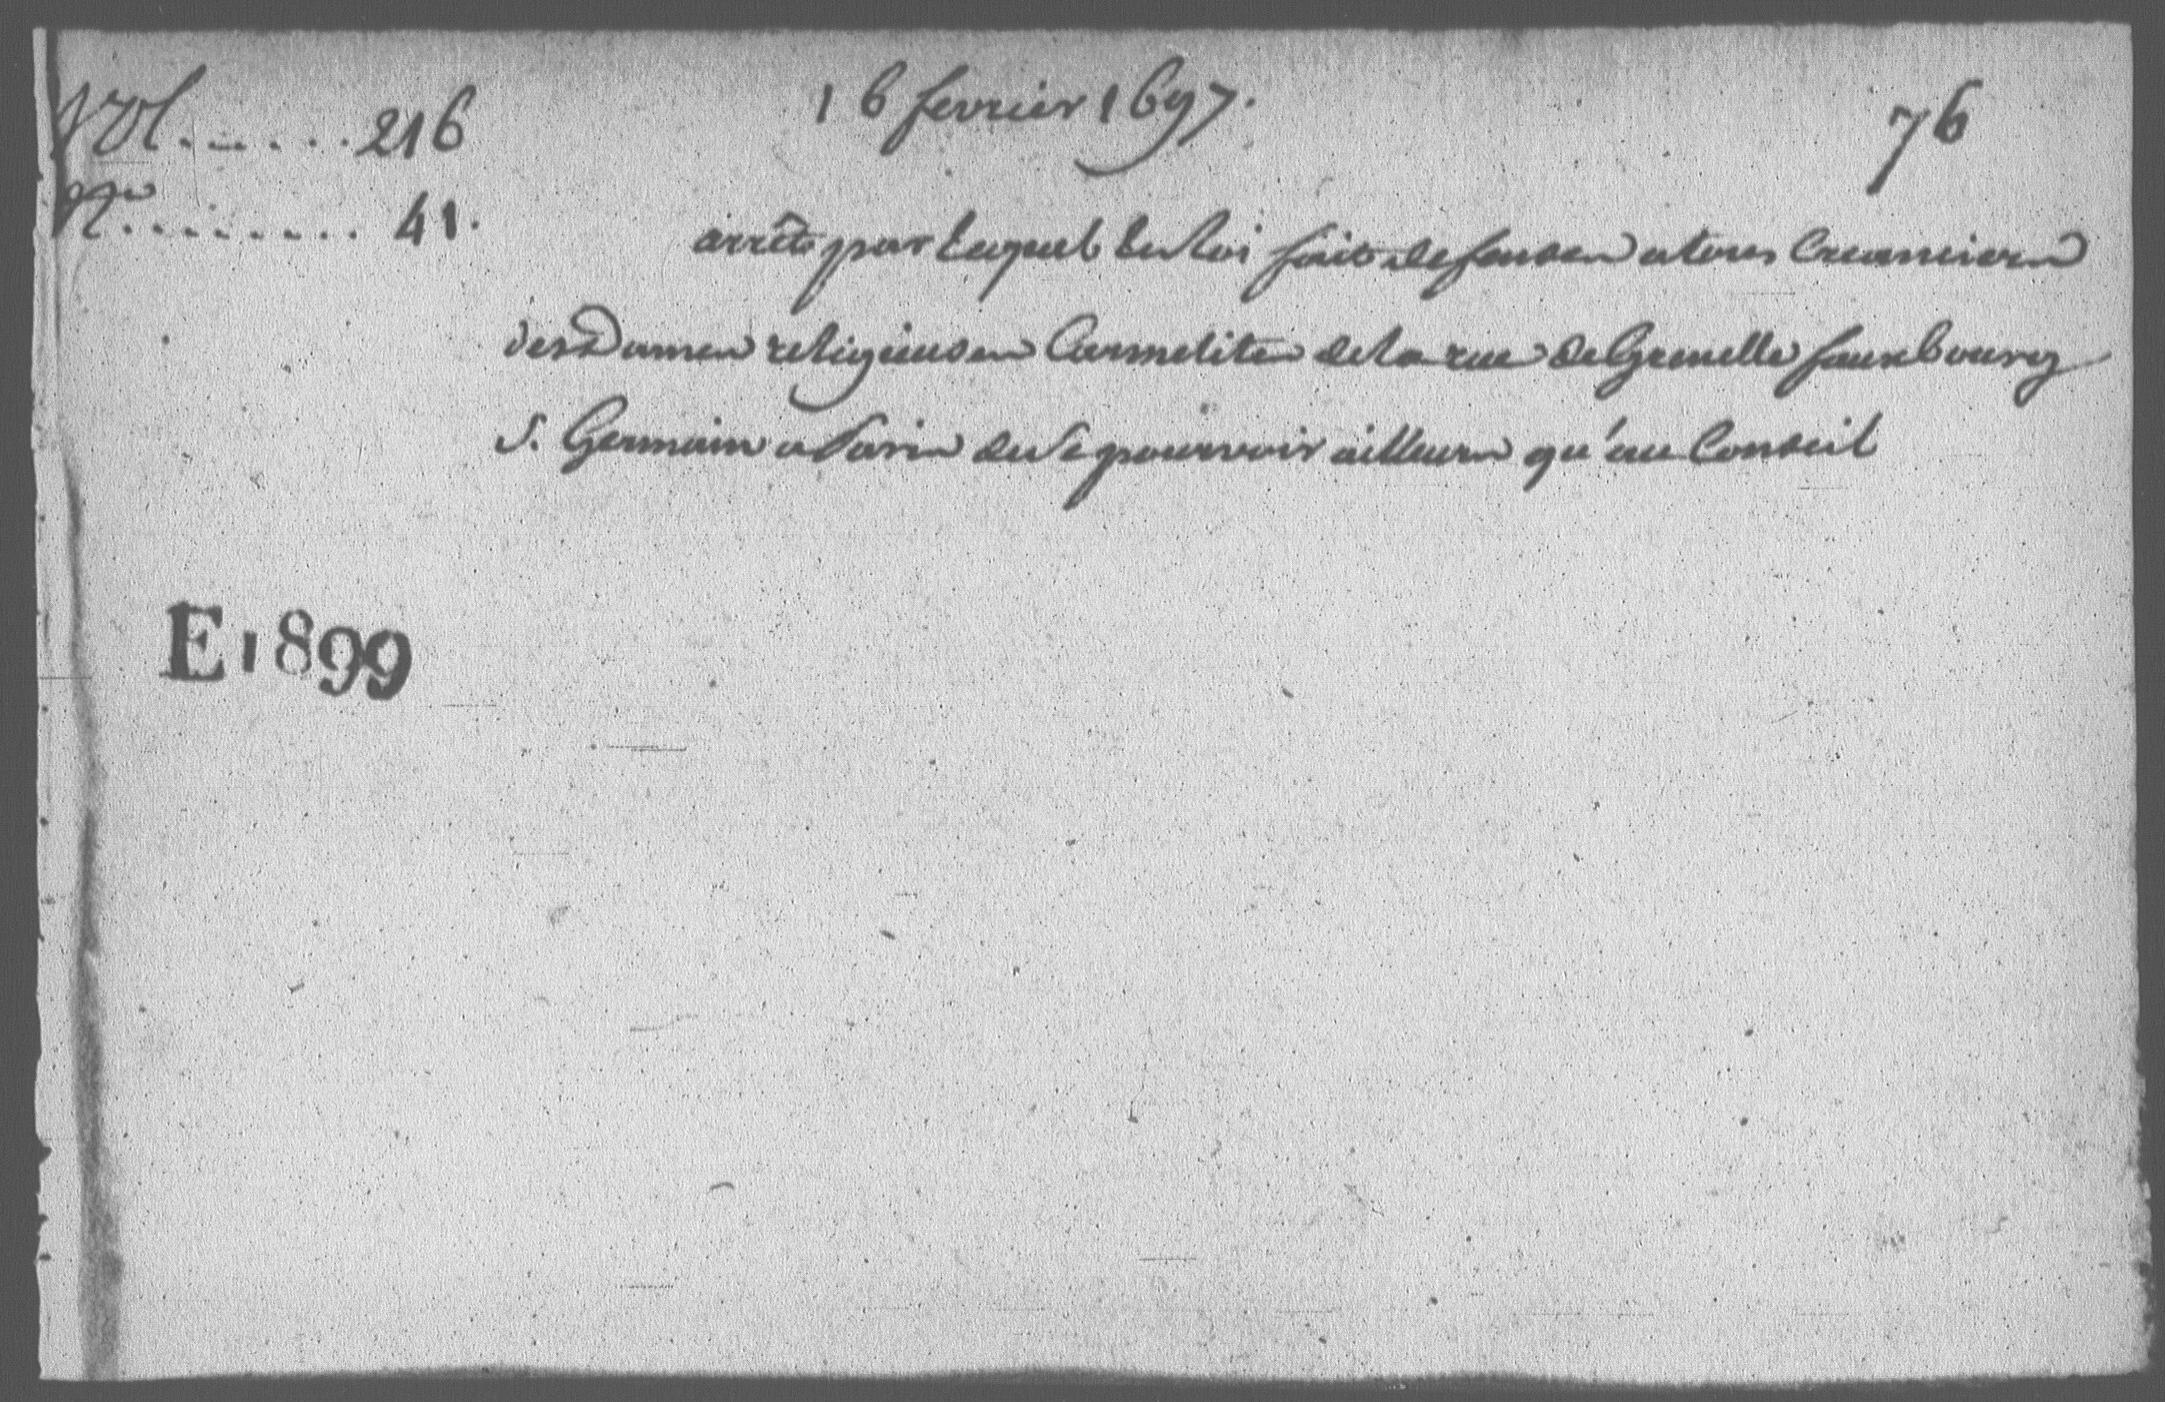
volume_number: n°41
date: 16 février 1697
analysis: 76
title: arrêt par lequel le Roi fait defenses a tous creanciers des dames religieuses Carmelites de la rue de Genelle fauxbourg S. Germain a Paris de se pourvoir ailleurs qu'au Conseil
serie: E
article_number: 1899
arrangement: vol. 216
